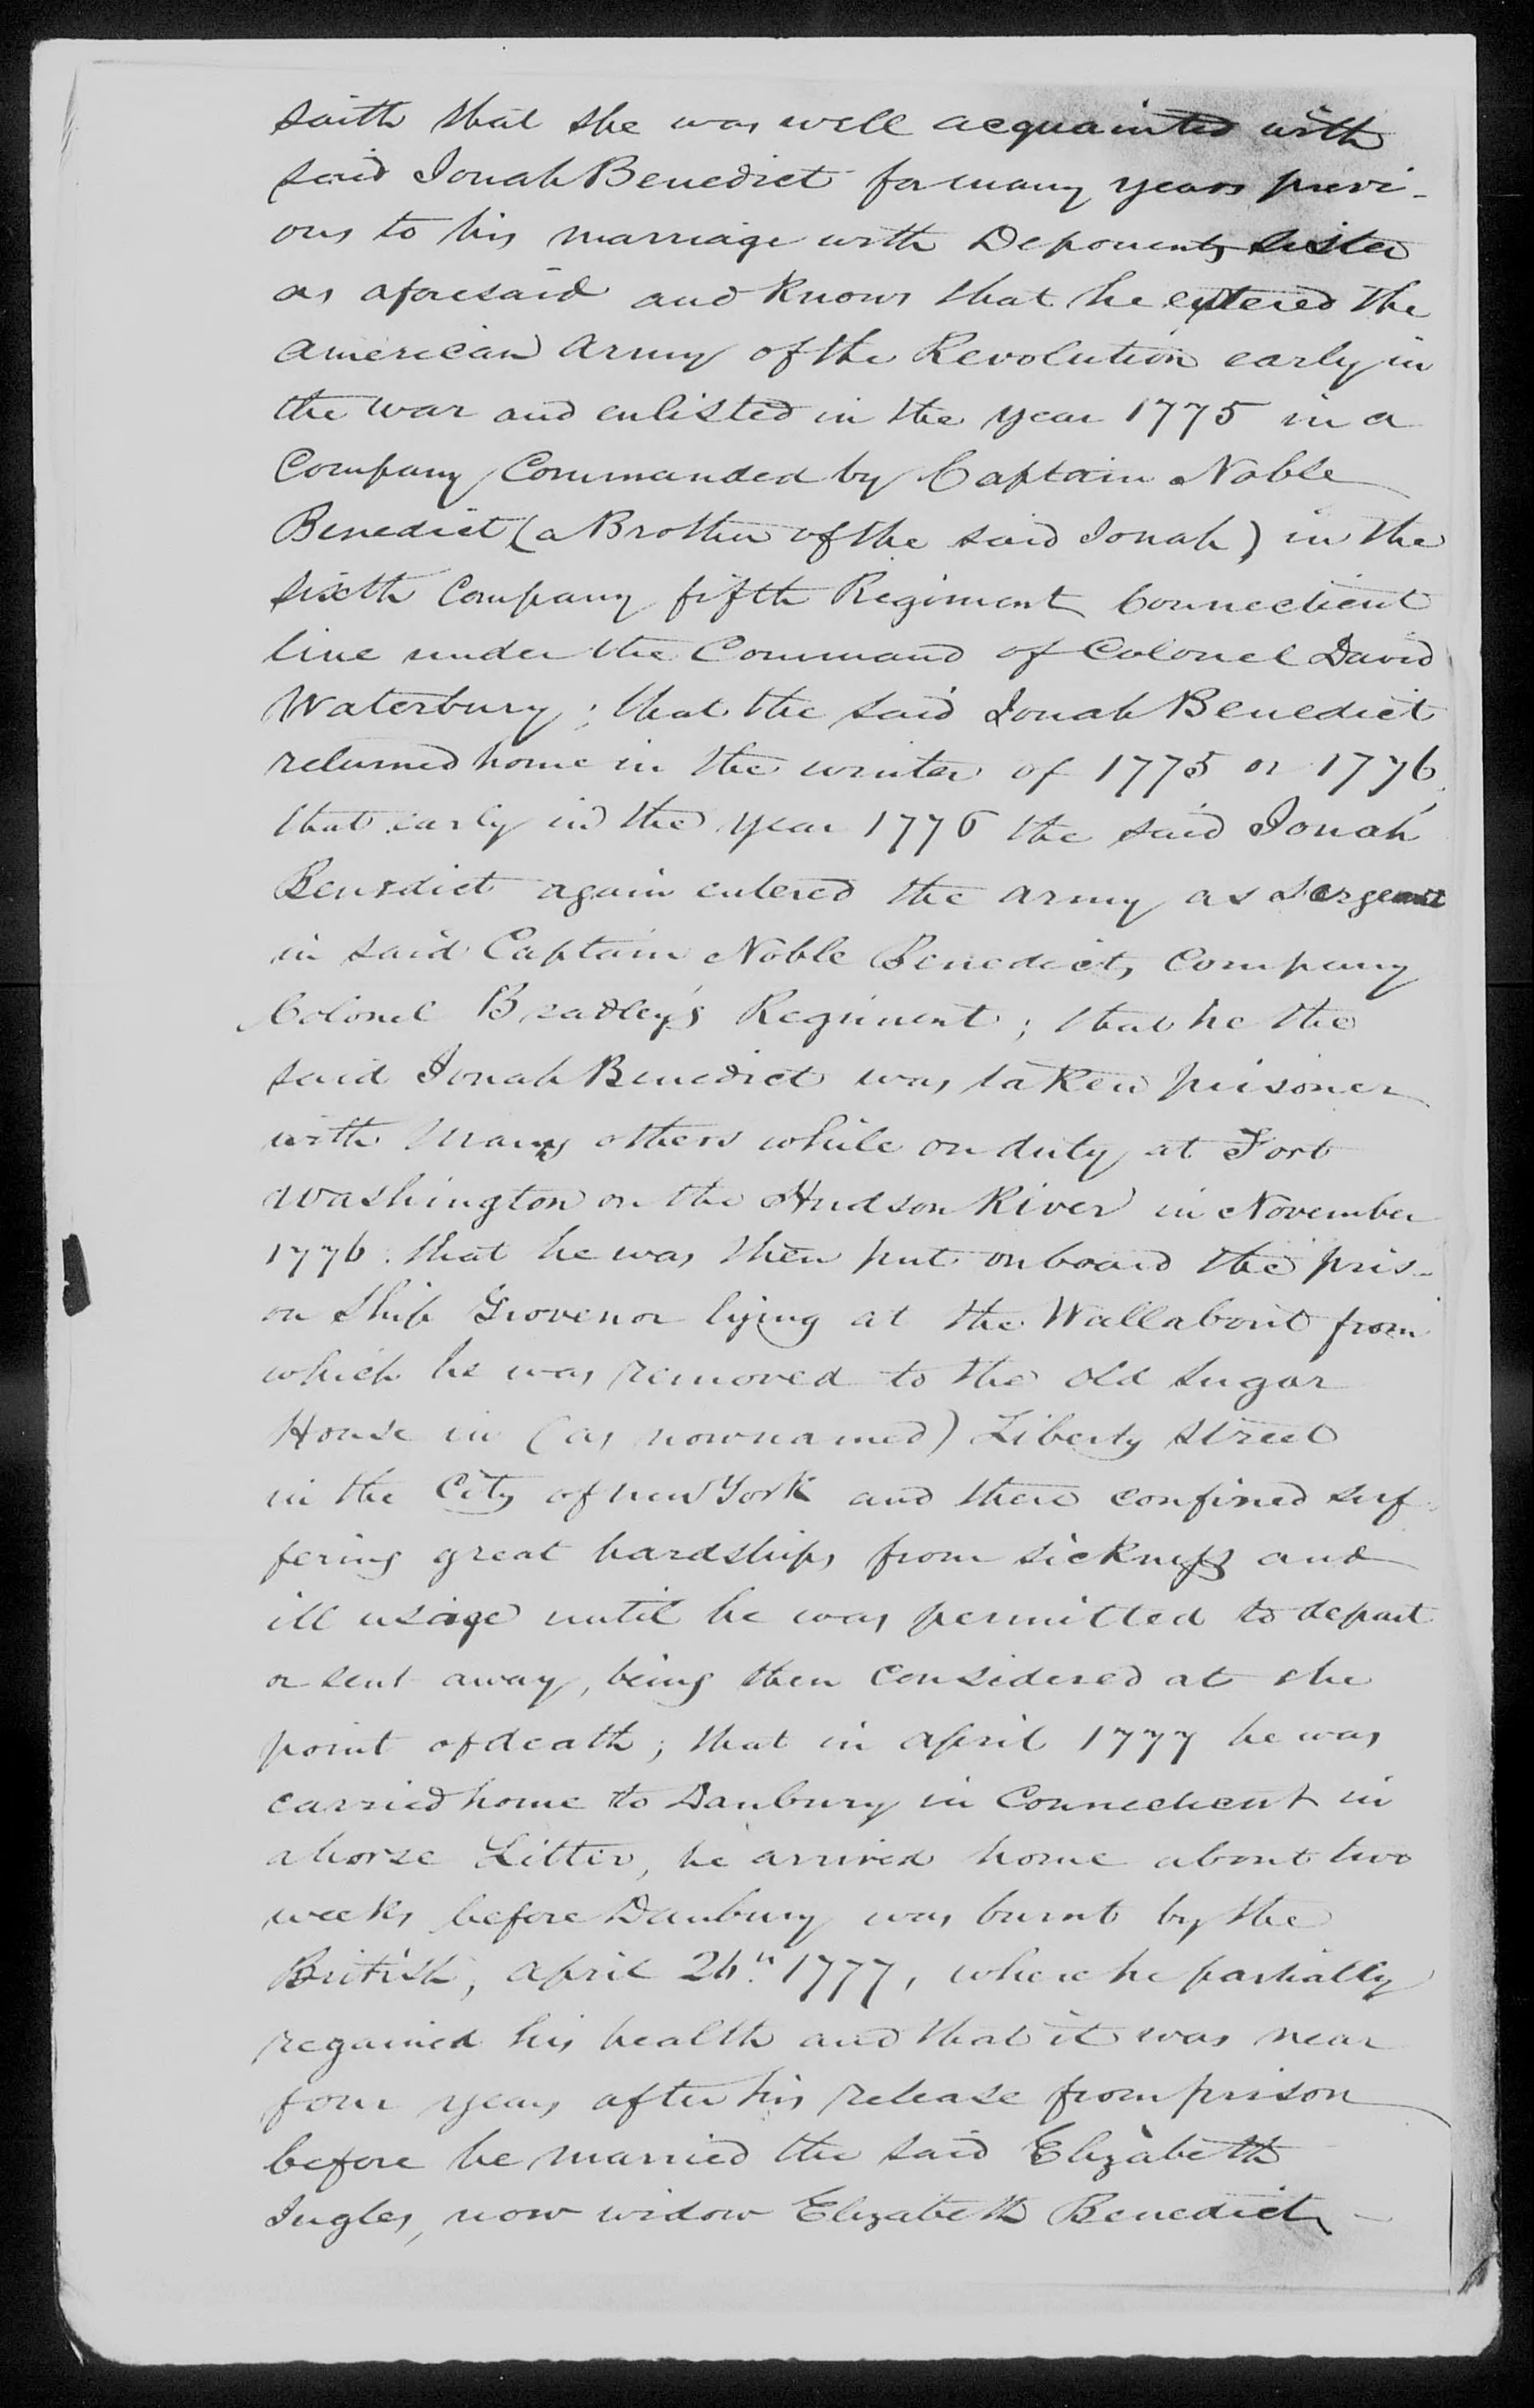saith that she was well acquainted with
said Jonah Benedict for many years previ-
ous to his marriage with deponents sister
as aforesaid and knows that he entered the
American Army of the Revolution early in
the war and enlisted in the year 1775 in a
Company commanded by Captain Noble
Benedict (a Brother of the said Jonah) in the
Sixth Company fifth Regiment Connecticut
line under the command of Colonel David
Waterbury that the said Jonah Benedict
returned home in the winter of 1775 or 1776
that early in the year 1776 the said Jonah
Benedict again entered the army as Sargeant
in said Captain Noble Benedicts Company
Colonel Bradleys Regiment; that he the
said Jonah Benedict was taken prisoner
with many others while on duty at Fort
Washington on the Hudson River in November
1776. that he was then put on board the pris-
on ship Grovenor lying at the Wallabout from
which he was removed to the old Sugar
House in (as now named) Liberty Street
in the City of New York and there confined suf-
fering great hardship, from sickness and
ill usage until he was permitted to depart
or sent away, being then considered at the
point of death; that in April 1777 he was
carried home to Danbury in Connecticut in
a horse litter, he arrived home about two
weeks before Danbury was burnt by the
British, April 26th 1777, where he partially
regained his health and that it was near
four years after his release from prison
before he married the said Elizabeth
Ingles, now widow Elizabeth Benedict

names: Jonah Benedict, David Waterbury, Noble Benedict, Elizabeth Benedict, Jonah Benedict, Noble Benedict, Elizabeth Ingles, Jonah, Jonah Benedict, Jonah Benedict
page: 10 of 56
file: [ILLEGIBLE], Jonah Benedict, Conn.